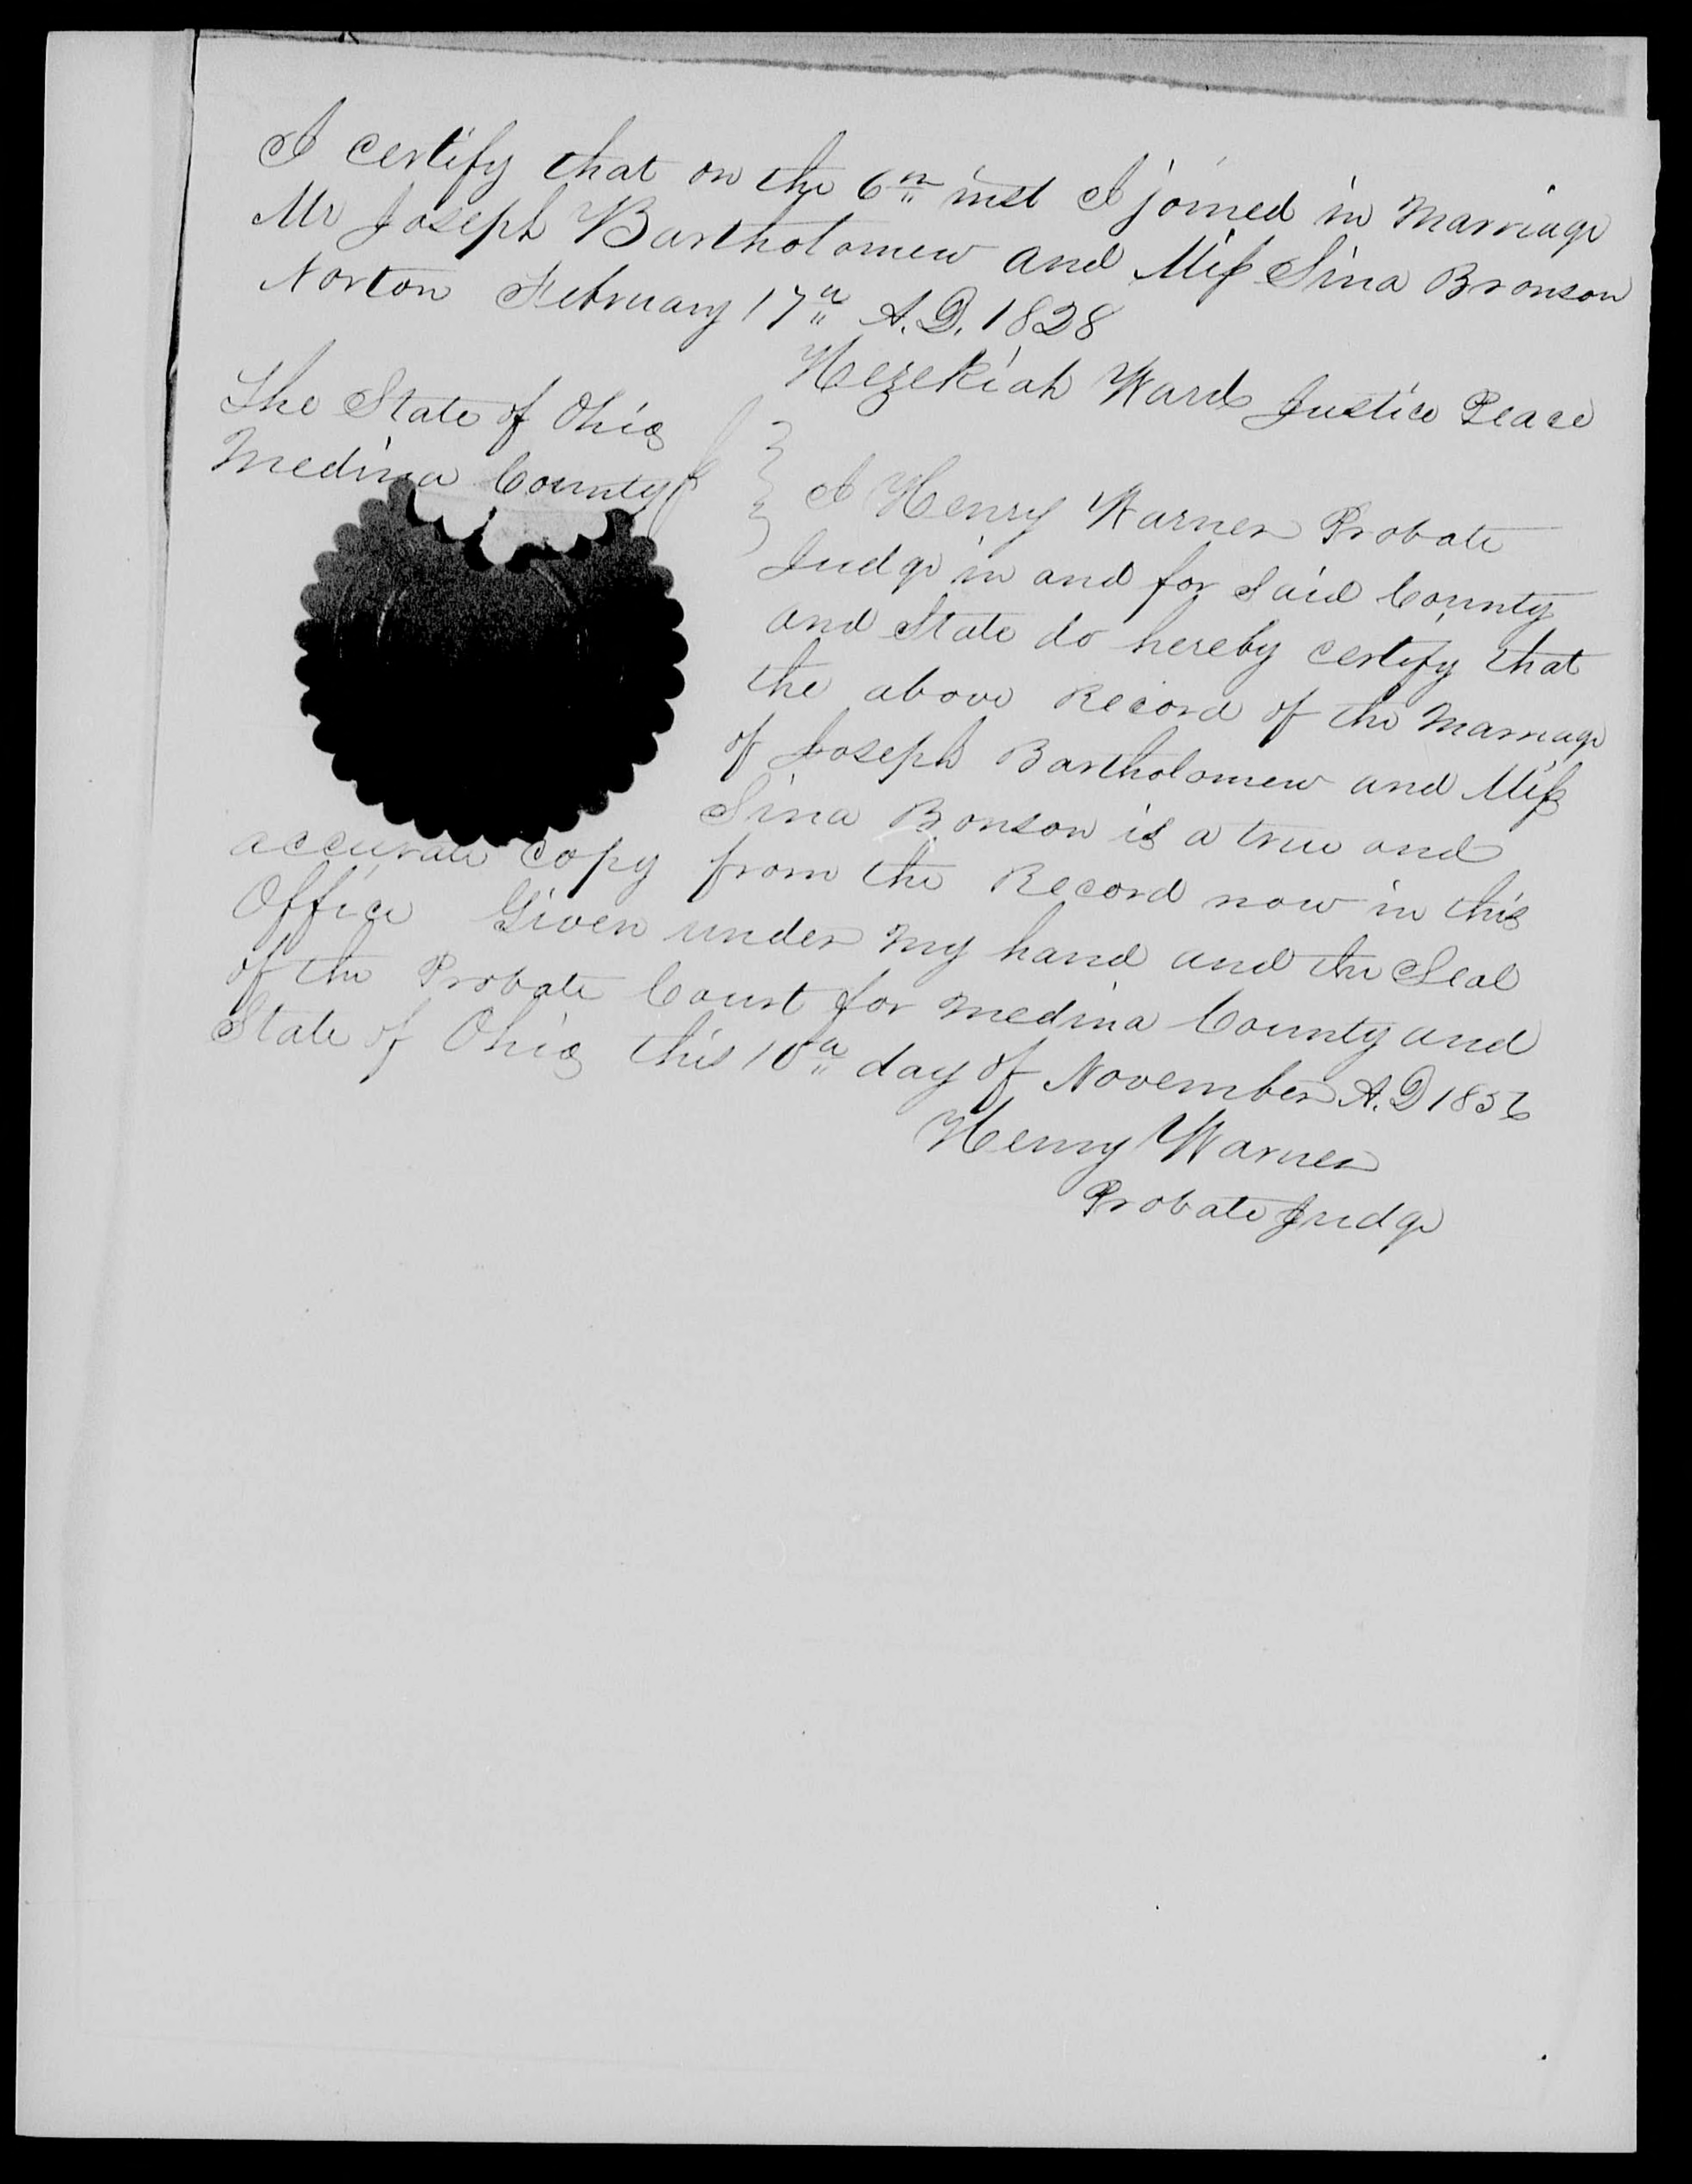I certify that on the 6th inst I joined in Marriage
Mr Joseph Bartholomew and Miss Sina Bronson
Norton February 17th A.D. 1828
Hezekiah Ward Justice Peace
The State of Ohio
Medina County
I Henry Warner Probate
Judge in and for said County
and State do hereby certify that the
above Record of the Marriage
of Joseph Bartholomew and Miss Sina Bronson
is a true and accurate copy  from the Record now in this 
Office Given under my hand and the Seal
of the Probate Court for Medina County and
State of Ohio this 10th day of November A.D 1856
Henry Warner
Probate Judge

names: Hezekiah Ward, Henry Warner, Henry Warner, Sina Bronson, Joseph Bartholomew, Sina Bonson, Joseph Bartholomew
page: 46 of 76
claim: widow's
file: W. 9345, Joseph Bartholomew, Conn.